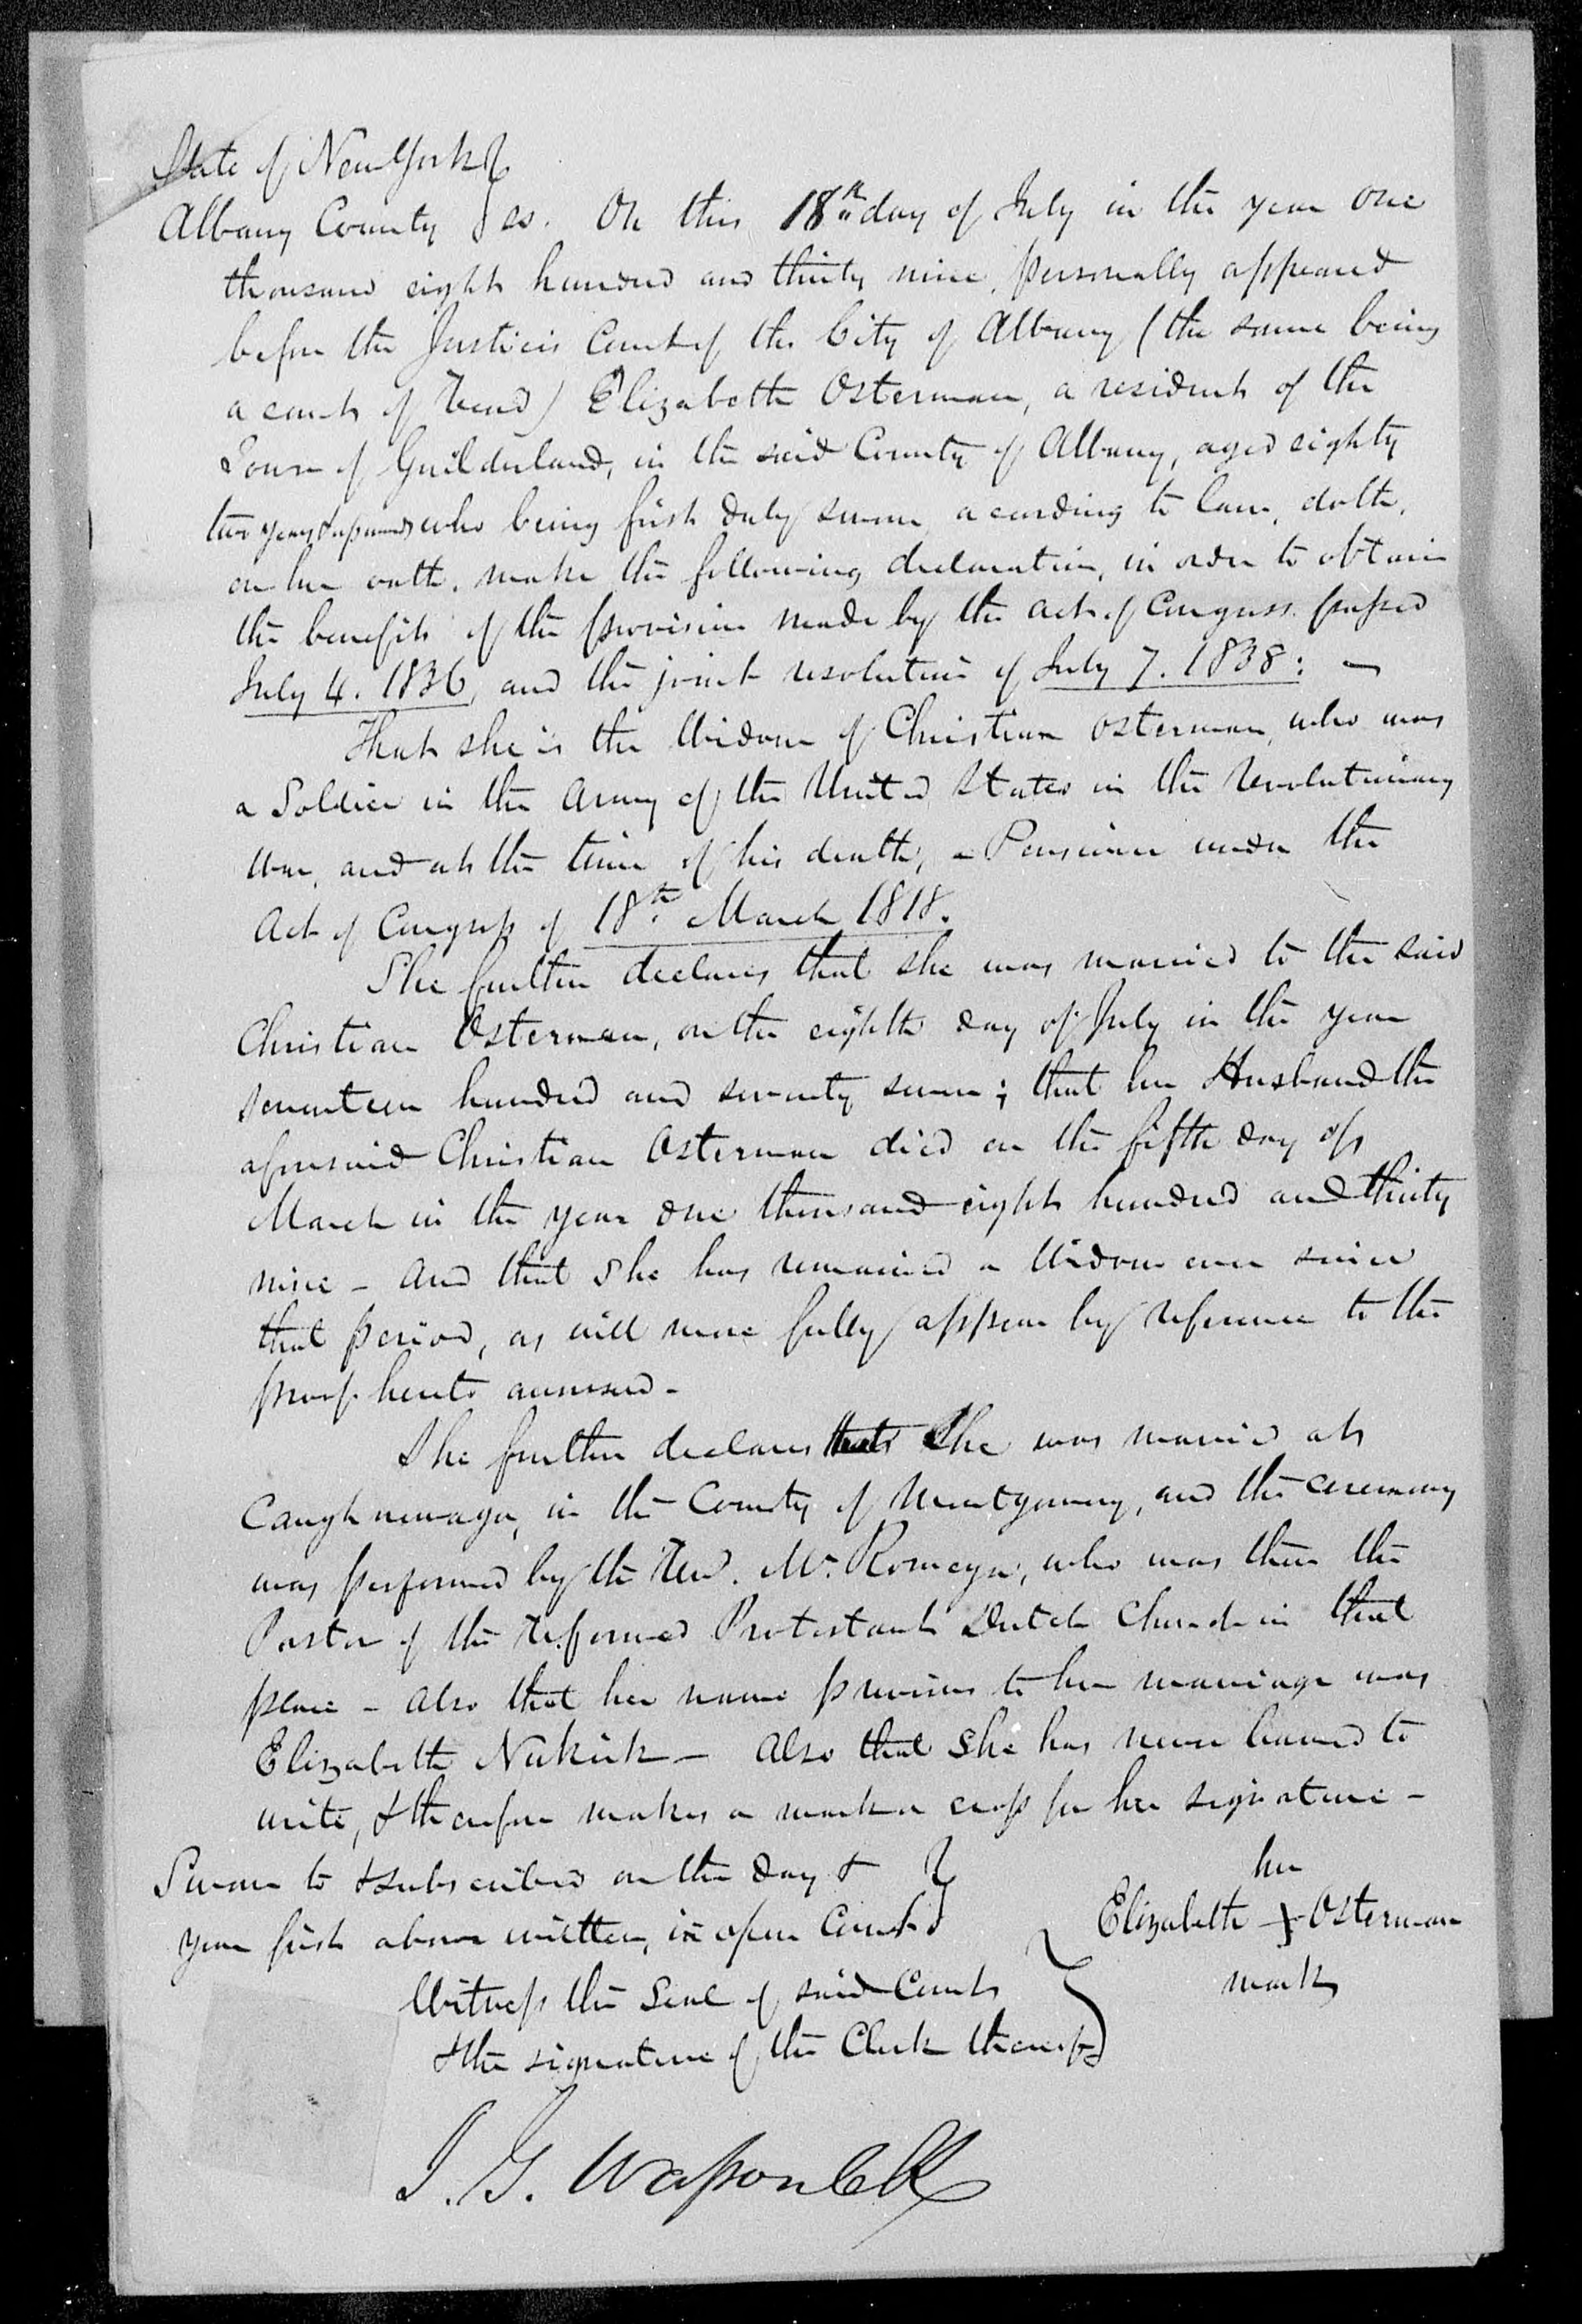State of New York
Albany County ss: On this 18th day f July in the year one thousand eight hundred and thirty nine personally appeared before the Justices Court of the City of Albany (the same being a court of record) Elizabeth Osterman, a resident of the Town of Guilderland, in the said County of Albany, aged eighty two years and upward who being first duly sworn according to law, doth on her oath make the following declaration in order to obtain the benefits of the provisions made by the act of Congress passed July 4th 1836, and the joint resolution of July 7, 1838.
That she is the widow of Christian Osterman, who was a Soldier in the Army of the United States in the Revolutionary War, and at the time of his death, a pensioner under the Act of Congress of 18th of March 1818. 
She further declares that she was married to the said Christian Osterman on the eighth day of July in the year seventeen hundred and seventy seven; that her husband the aforesaid Christian Osterman died on the fifth day of March in the year one thousand eight hundred and thirty nine. And that she has remained a widow ever since that period as will sure fully appear by reference to the proof hereto annexed. 
She further declares that she was married at Caughnawaga in the county of Montgomery and the ceremony was performed by the Rev. McRomaya who was then the Pastor of the Reformed Protestant Dutch Church in that place. Also that her name previous to her marriage was Elizabeth Nukirk. also that she has never learned to write and therefore makes a marker cross for her signature. 
her
Elizabeth x Osterman 
mark

Sworn & subscribed on the day &
year first above written in open court
Witness the seal of said court 
& the signature of the Clerk thereof
J.G. Wasson Clk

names: J G Wasson; Elizabeth Nukirk; Christian Osterman; [BLANK] Romeyn; Elizabeth Osterman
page: 7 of 40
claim: widow's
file: W. 21876, for Christian Osterman, New York